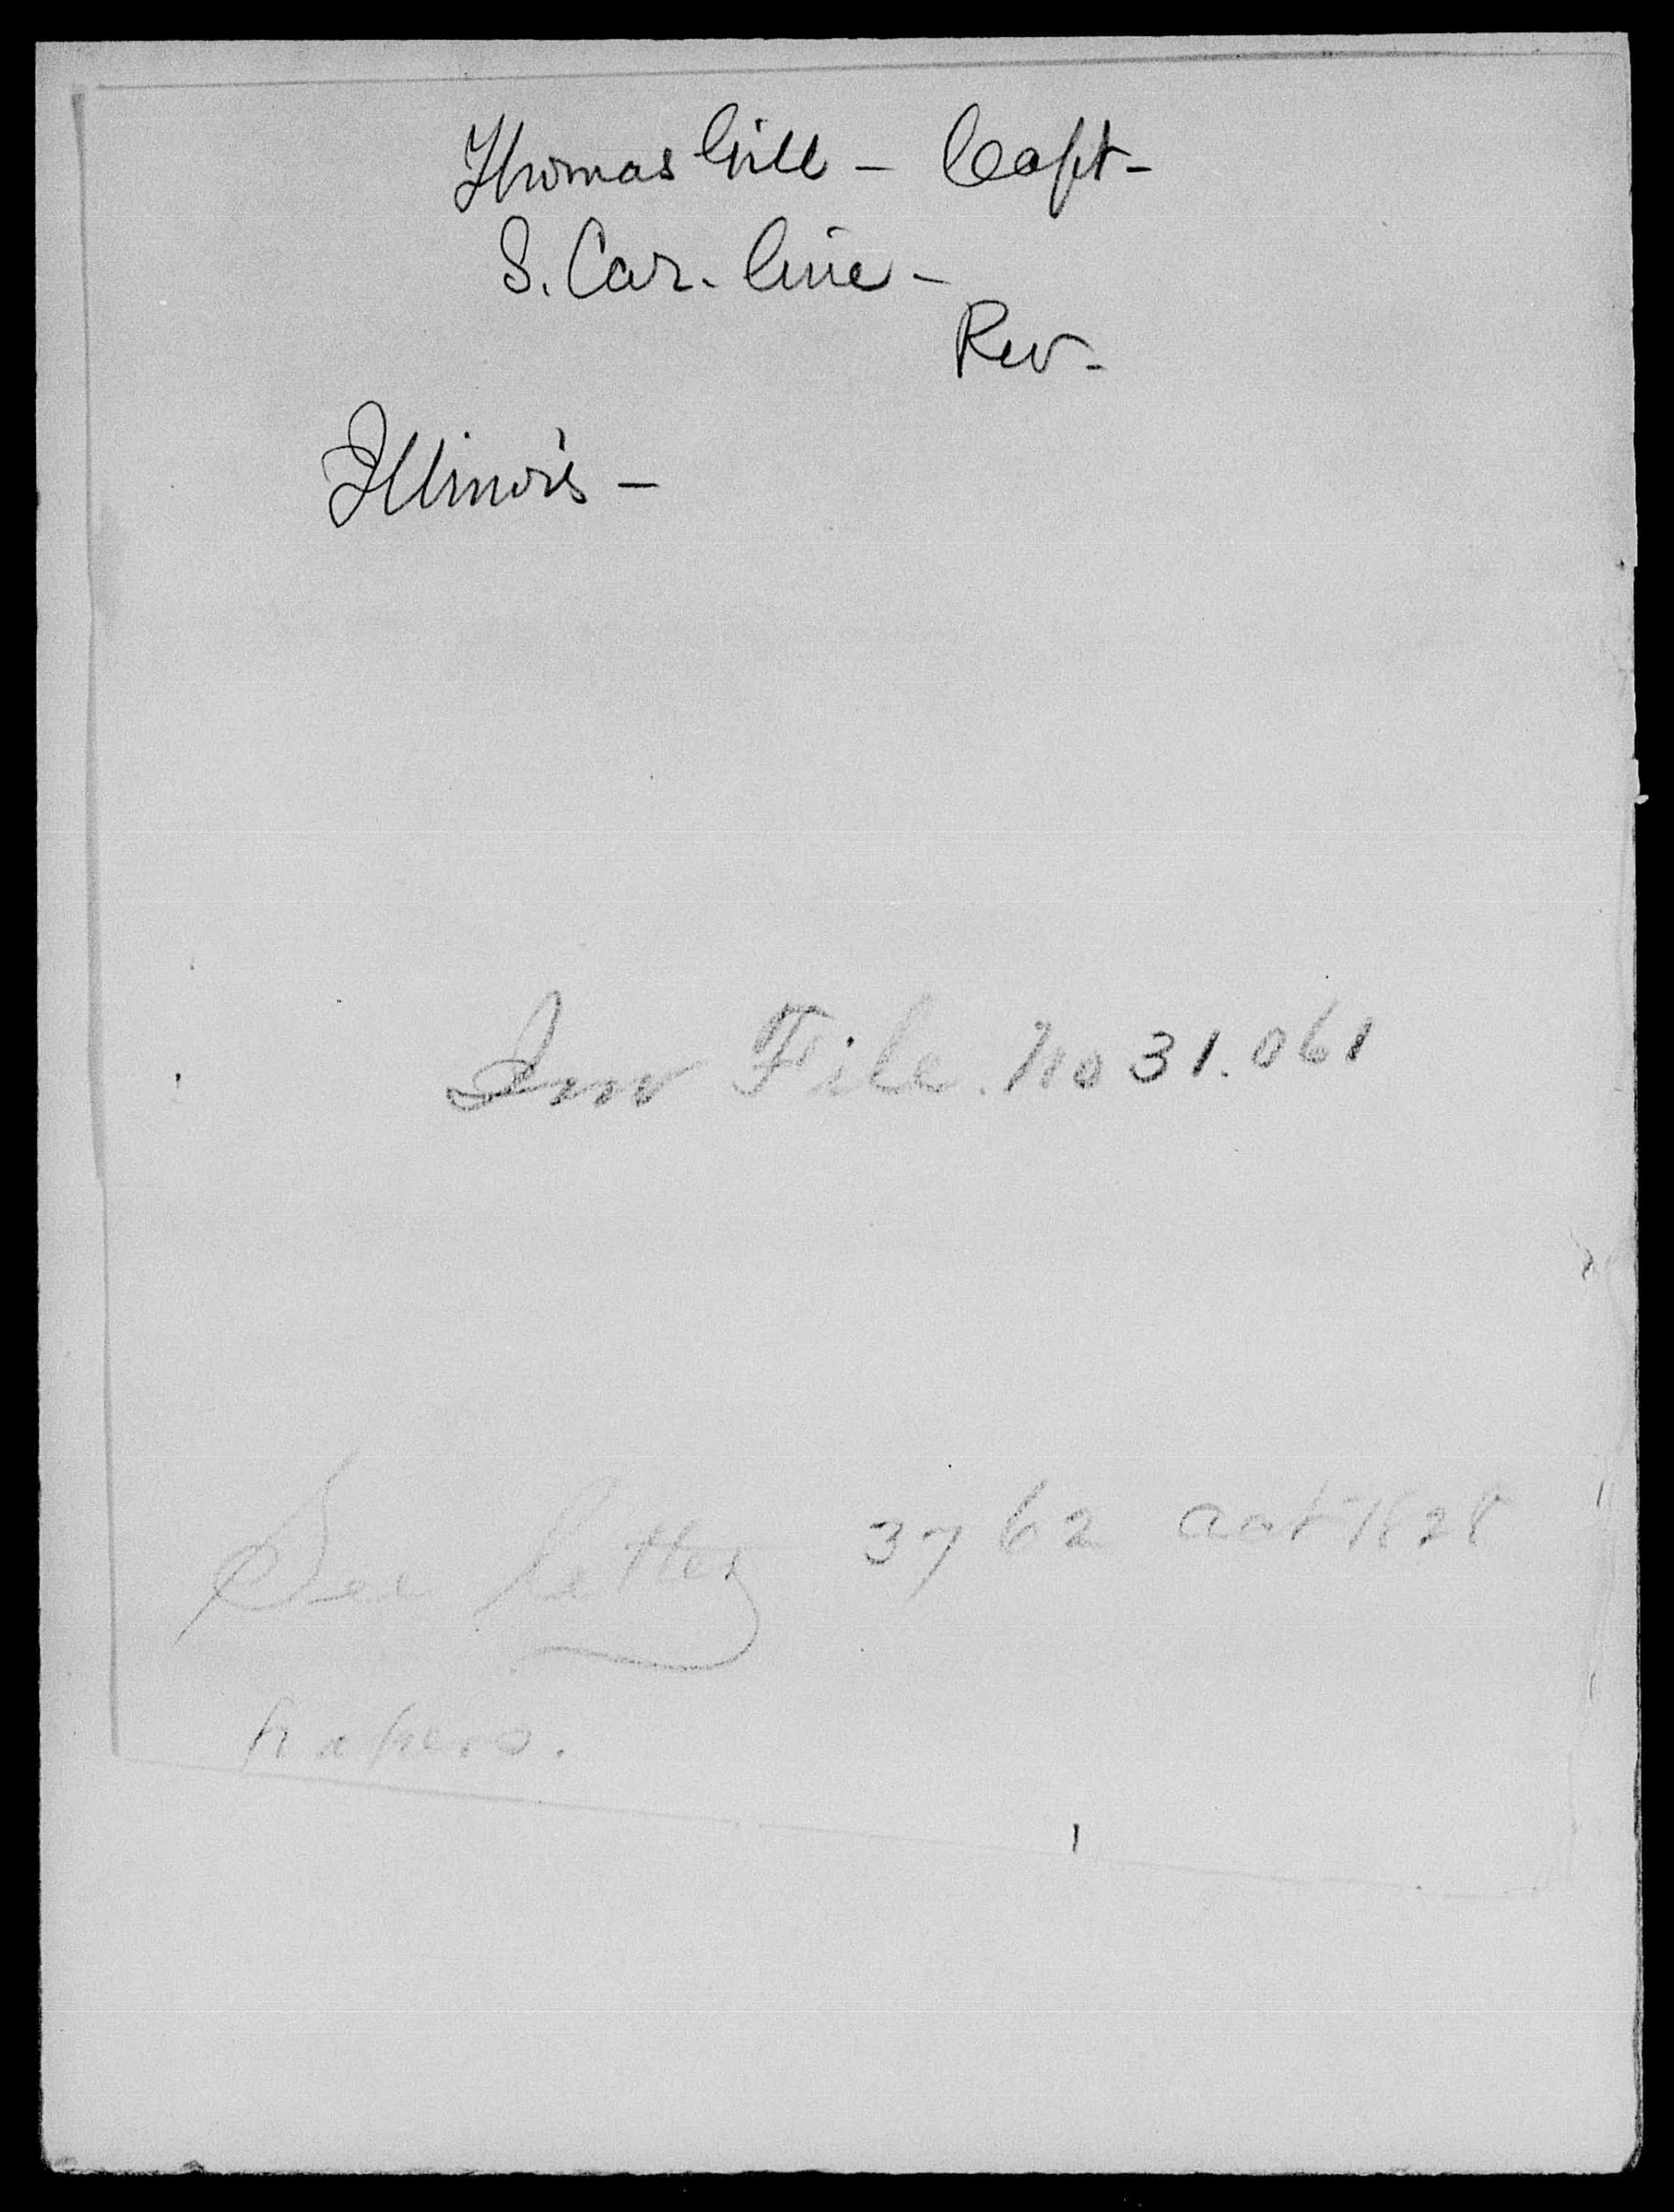Thomas Gill Capt
S Car line Rev Illinois
Inv File No 31061
see letter 3762 act 1828 papers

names: Thomas Gill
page: 38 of 44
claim: survivor's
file: S. 31,061, Thomas Gill, S.C.